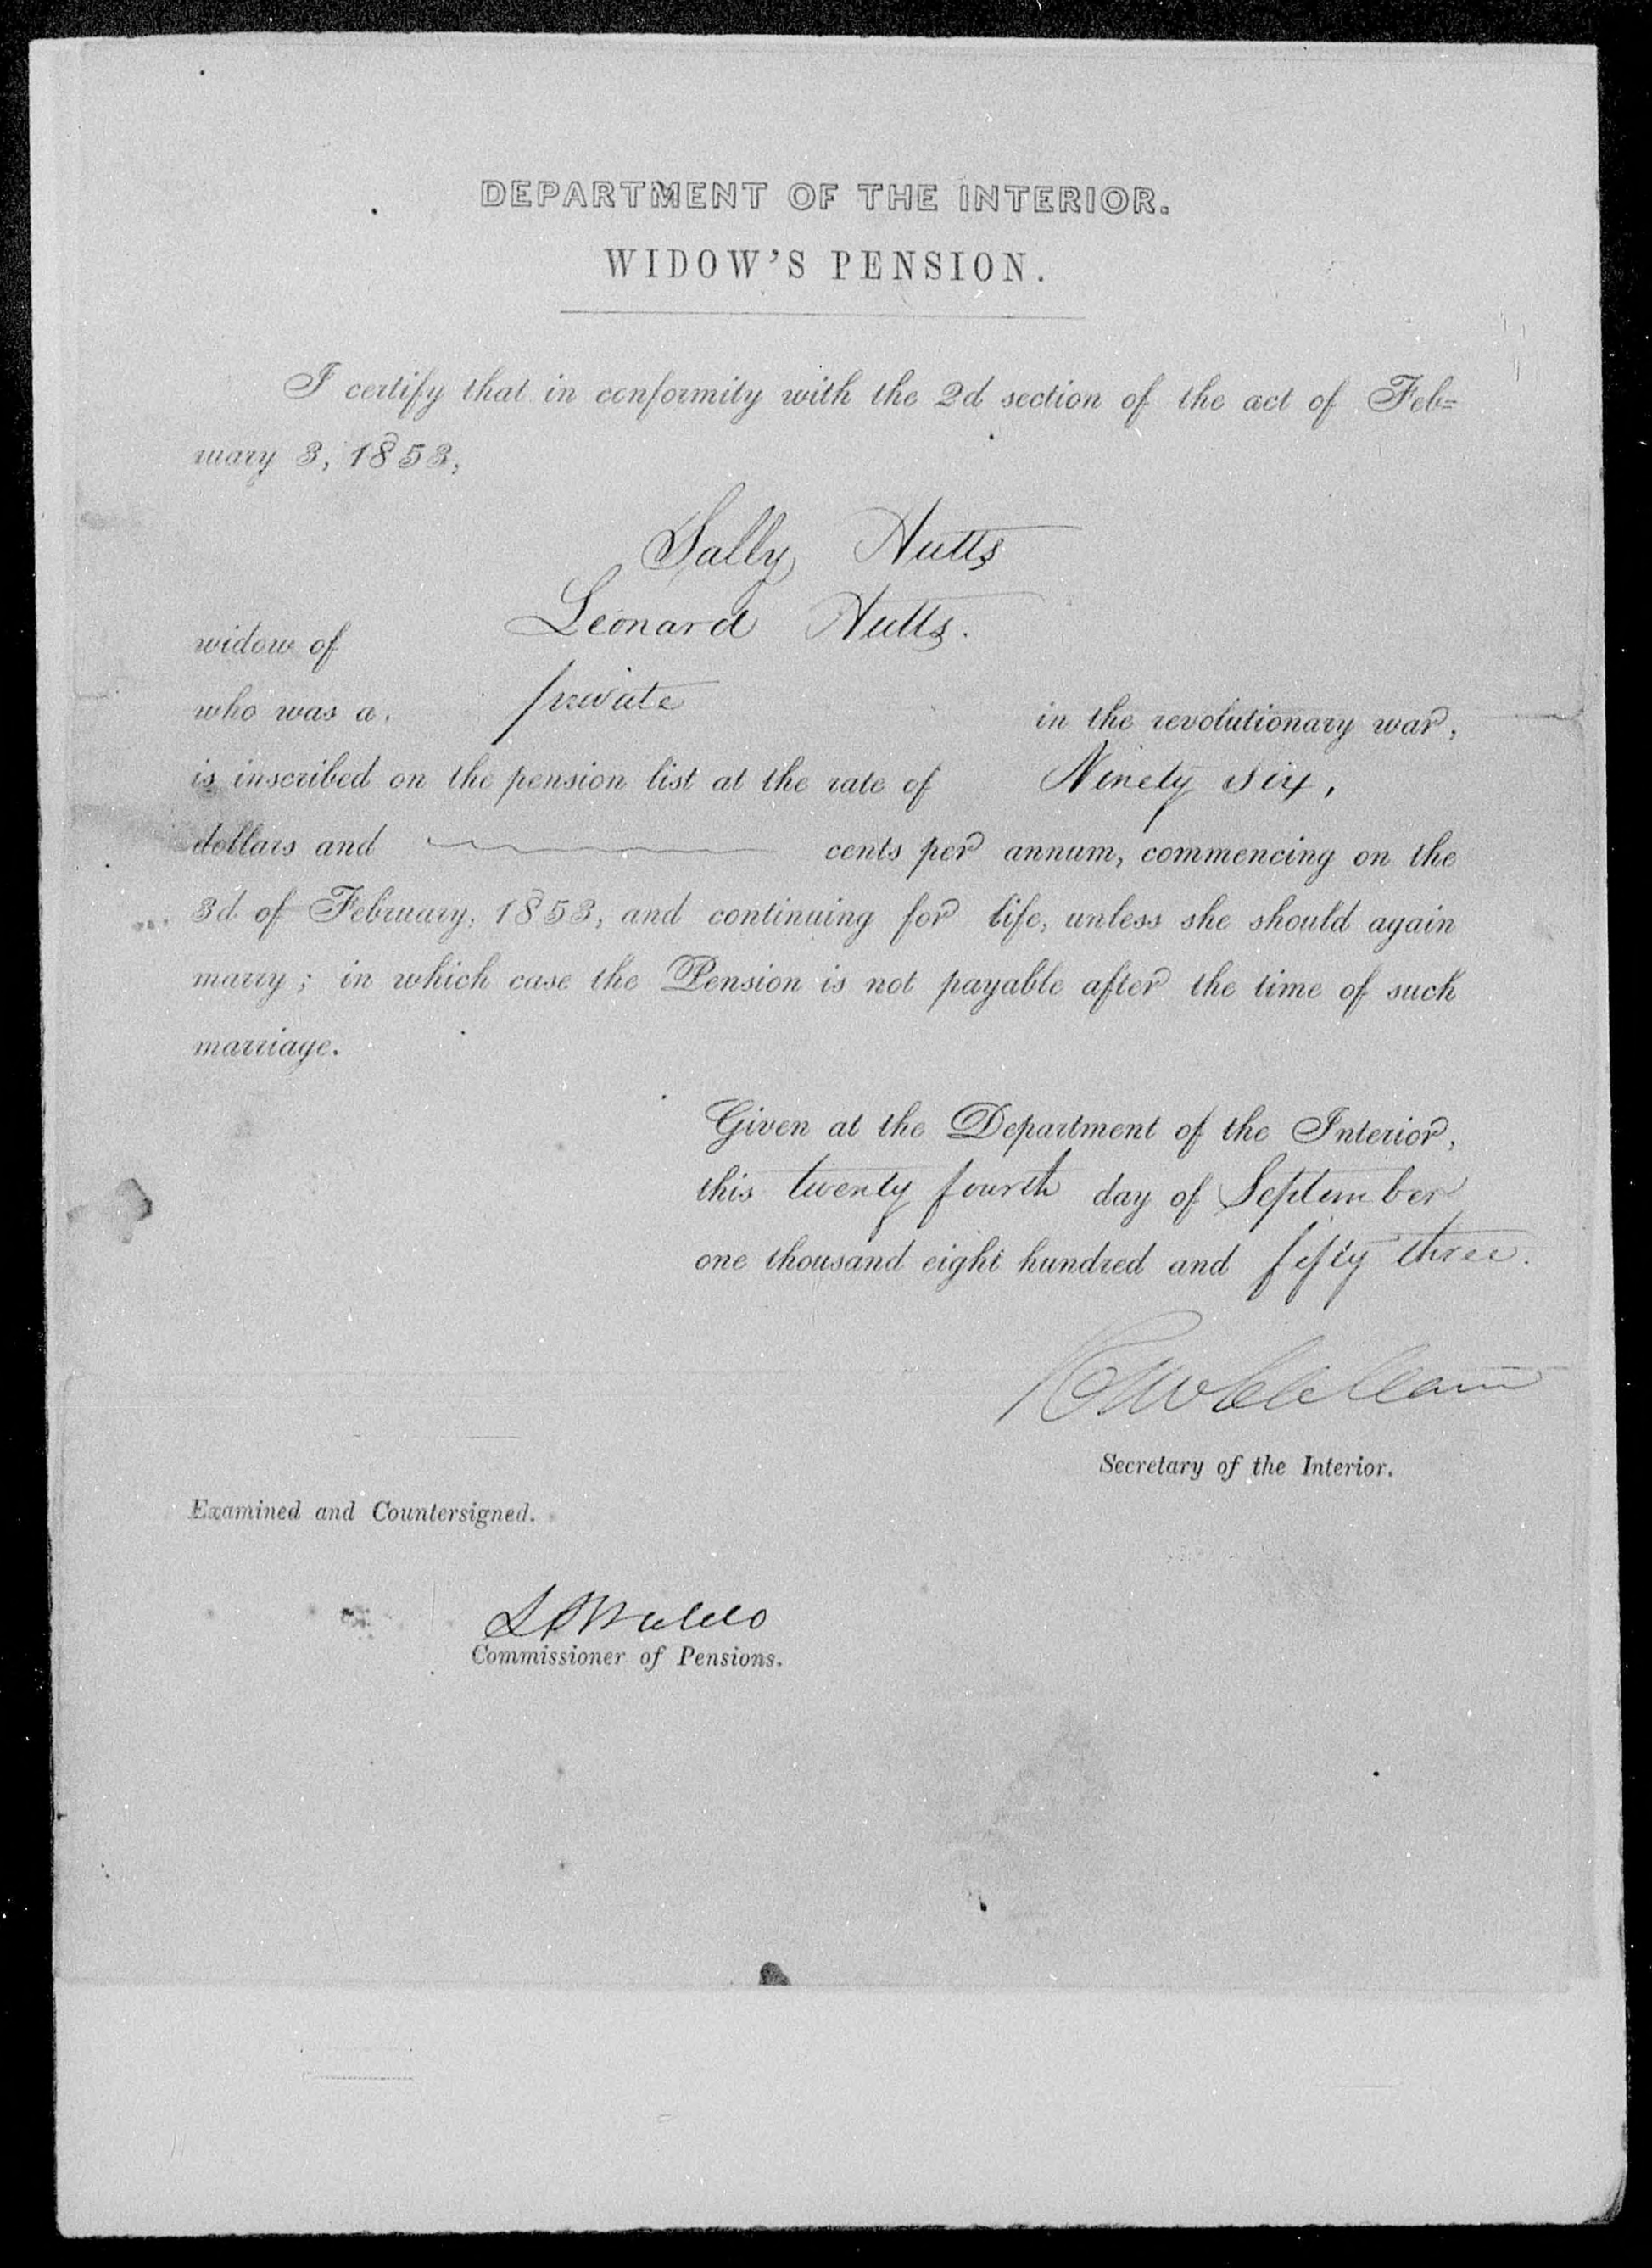[typed form, with handwritten responses]

DEPARTMENT OF THE INTERIOR
WIDOW’S PENSION.

I certify that in conformity with the 2d section of the act of February 3, 1853,
Sally Hutts
widow of Leonard Hutts
who was a private in the revolutionary war,
is inscribed on the pension list at the rate of Ninety Six
dollars        cents per annum, commencing on the 3d of February 1853, and continuing for life, unless she should again marry; in which case the Pension is not payable after the time of such marriage.
Given at the Department of the Interior, this twenty fourth day of September one thousand eight hundred and fifty-three

R W Clelland
Secretary of the Interior.

Examined and Countersigned

L. P. Waldo
Commissioner of Pensions.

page: 29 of 33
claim: widow's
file: W. 550, for Leonard Hutts, Virginia